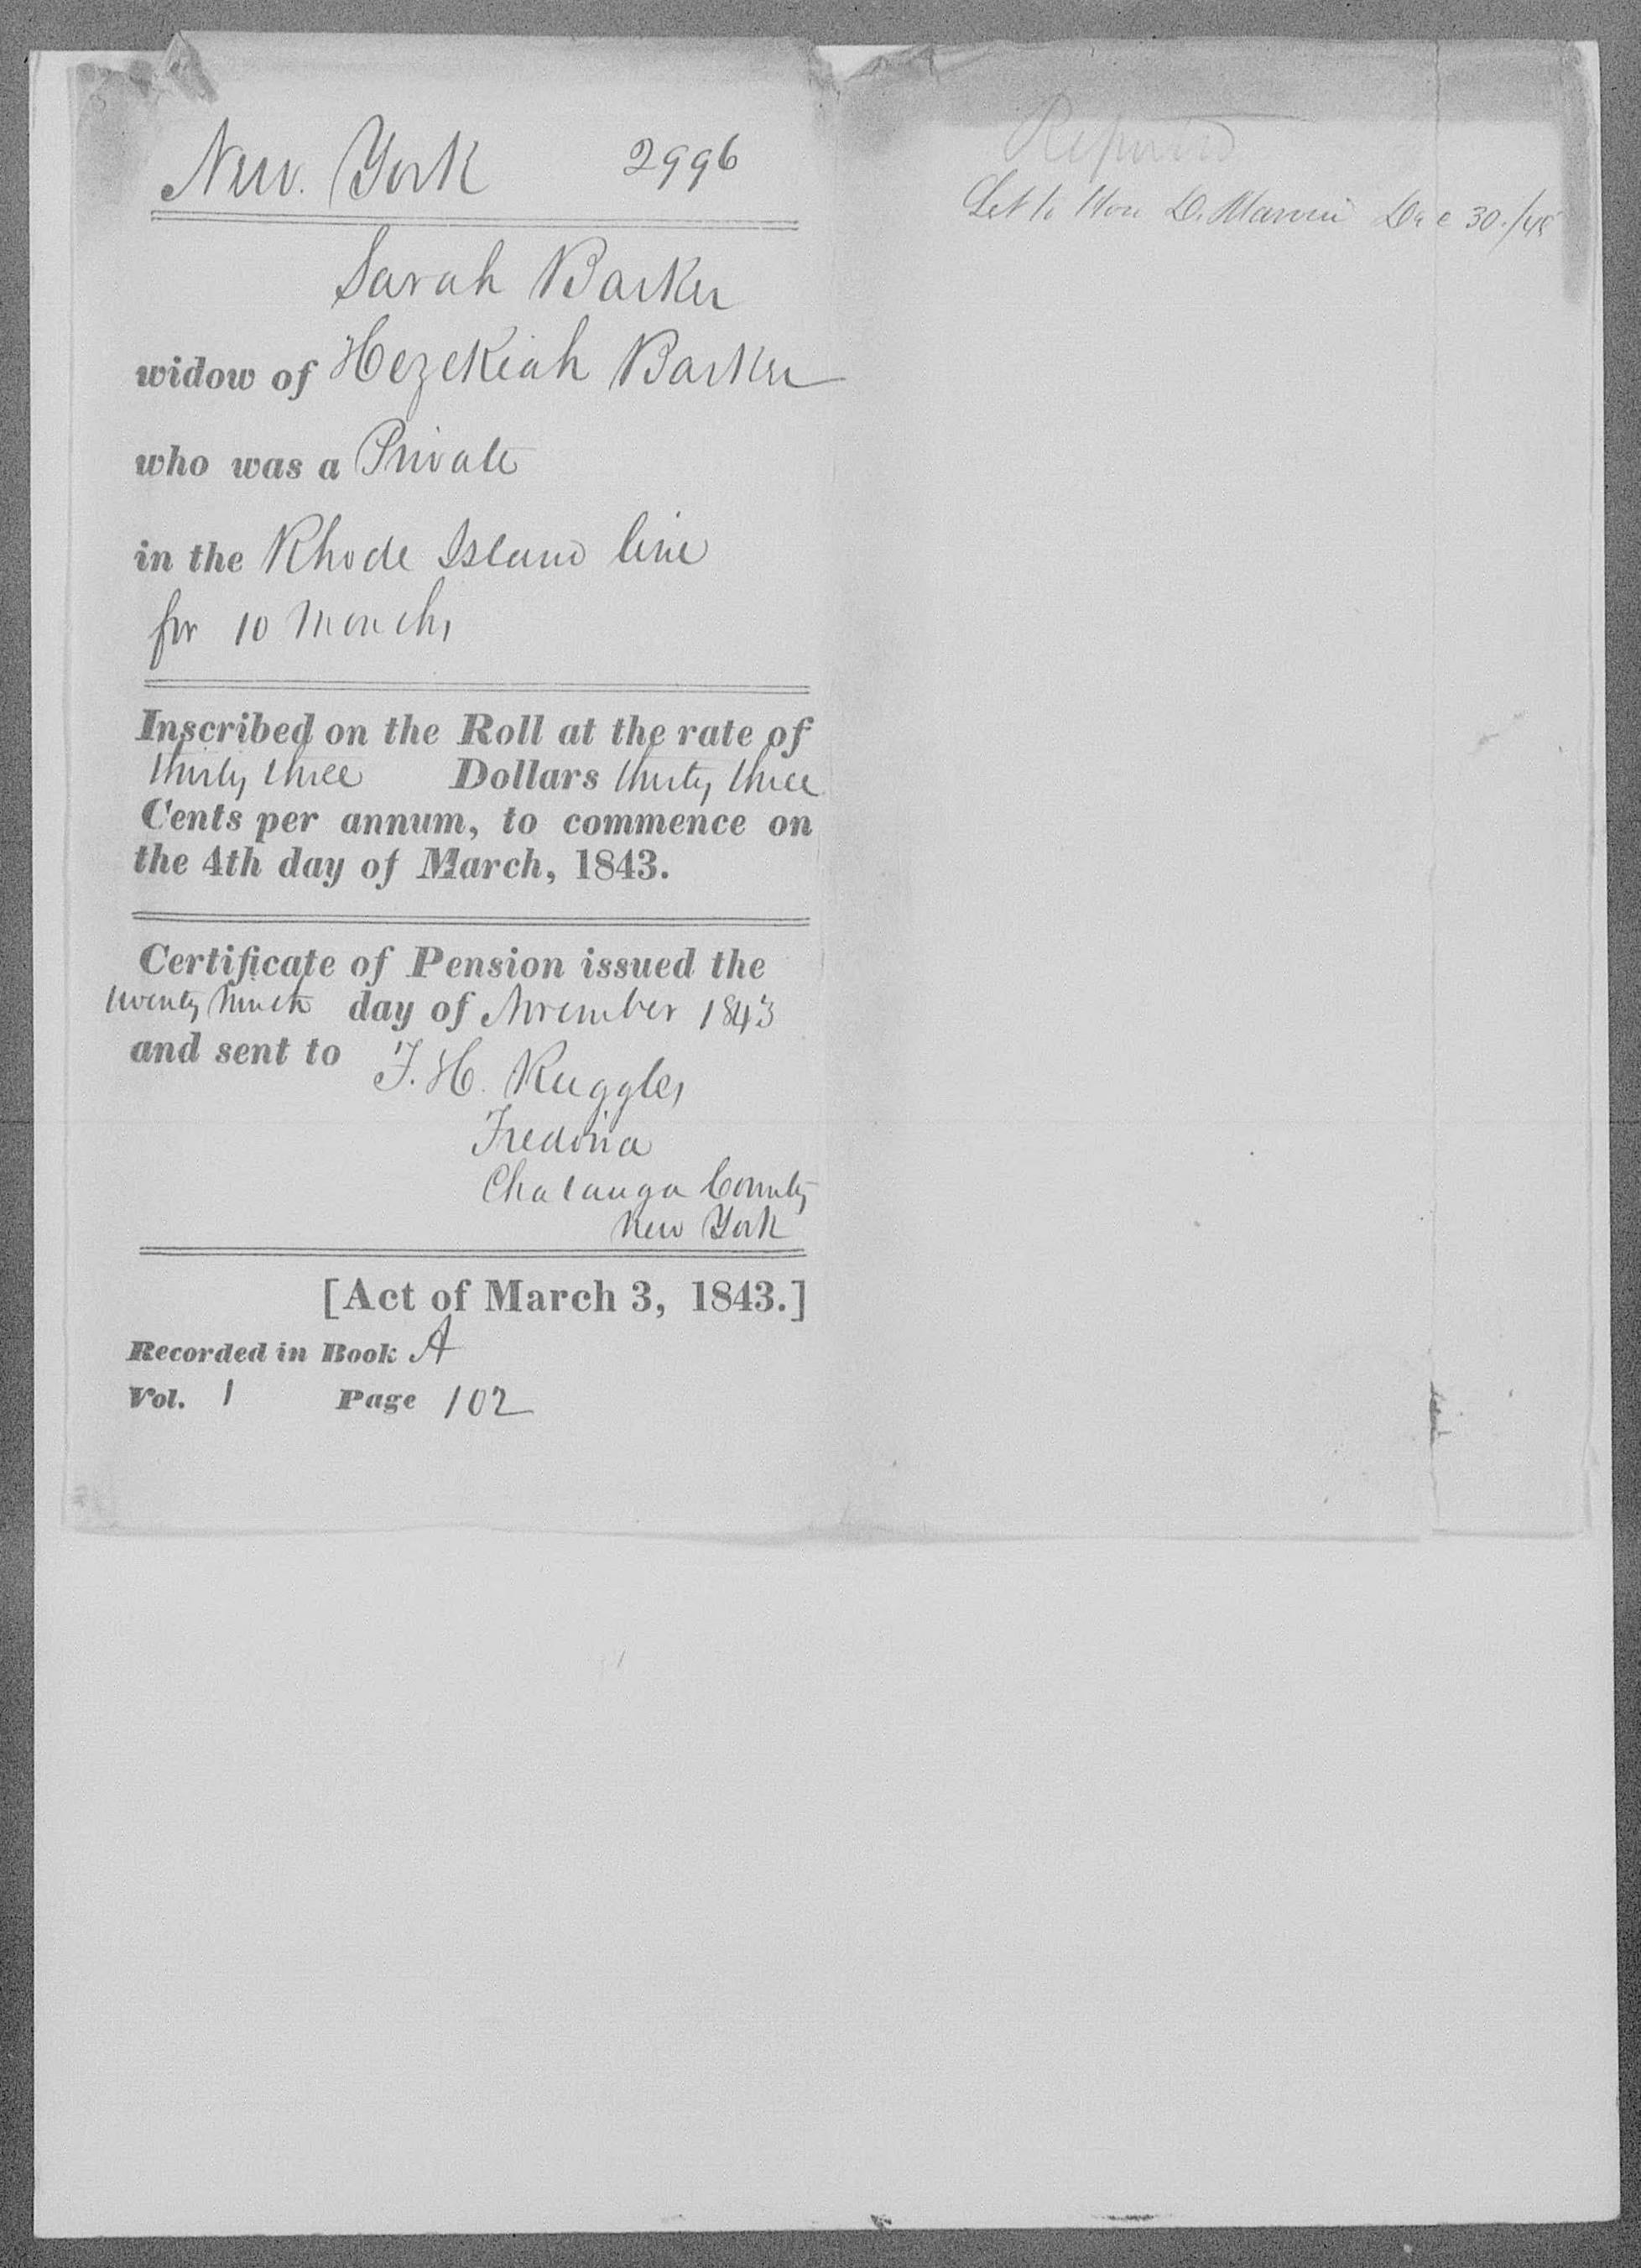New York  2996
Sarah Barker widow of Hezekiah Barker who was a private in the Rhode Island line for 10 months
Inscribed on the Roll at the rate of thirty three Dollars thirty three Cents per annum, to commence on the 4th day of March, 1843.
Certificate of Pension issued the twenty ninth day of November 1843 and sent to F. H. Ruggles Fredonia Chatauqua County New York
[Act of March 3, 1843.]
Recorded in Book A Vol. 1 Page 102
Reported
Let to Hon. D. Marvin Dec. 30 /48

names: Hezekiah Barker, F H Ruggles, Sarah Barker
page: 25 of 52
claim: widow's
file: W. 18,565, Hezekiah Barker, Continental R.I.